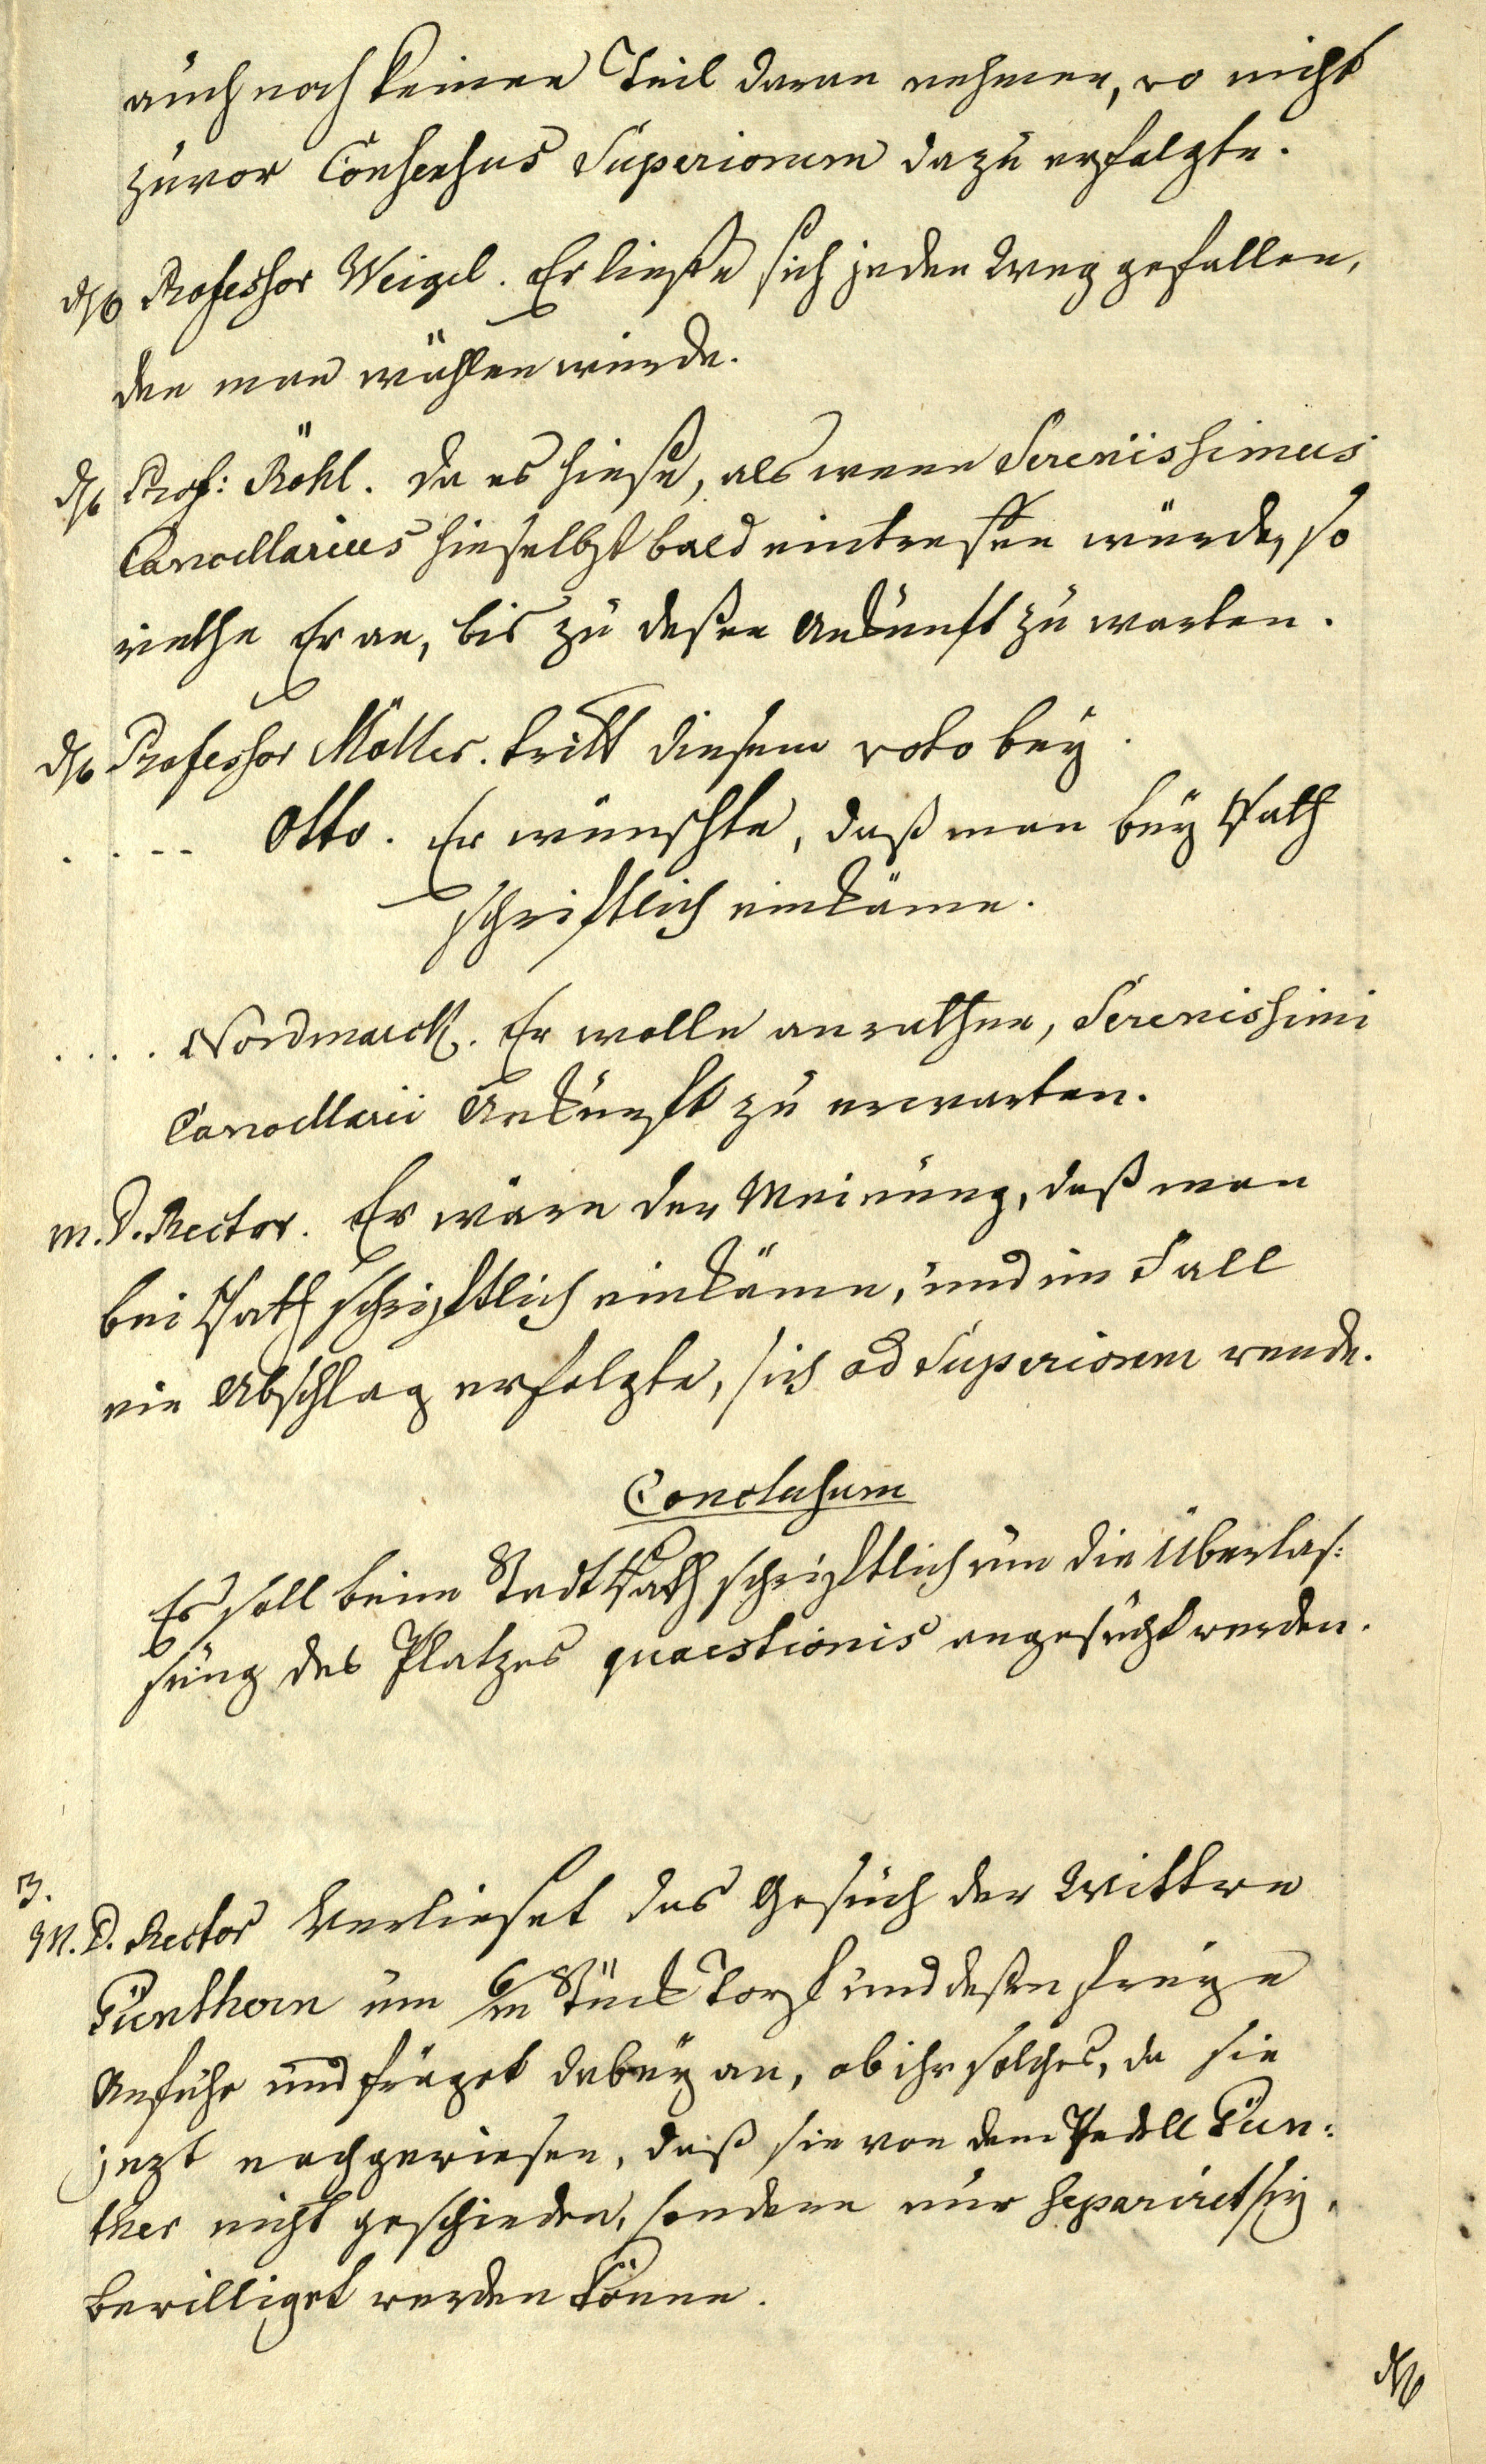auch noch keinen Teil daran nehmen, wo nicht
zuvor Consensus Superiorum dazu erfolgte.
dh Professor Weigel. Er ließe sich jeden Weg gefallen,
den man wählen würde.
dh Prof. Röhl. Da es hieße, als wenn Serenissimus
Cancellarius hieselbst bald eintreffen würde, so
riethe Er an, bis zu deßen Ankunft zu warten.
dh Professor Möller trii diesem voto beÿ.
Otto. Er wünschte, daß man beÿ Rath
schriftlich einkäme.
Nordmarck. Er wolle anrathen, Serenissimi
Cancellarii Ankunft zu erwarten.
M. D. Rector. Er wäre der Meinung, daß man
bei Rath schriftlich einkäme, und im Fall
ein Abschlag erfolgte, sich ad Superiorem wende.
Conclusum
Er soll beim Stadt Rath schriftlich um die Überlas¬
sung des Platzes quaestionis angesucht werden.
3 M. D. Rector verlieset das Gesuch der Wittwe
Günthern um 6/m Stück Torf und deßen freÿe
Anfuhr und fräget dabeÿ an, ob ihr solches, da sie
jezt nachgewiesen, daß sie von den Pedellen Gün¬
ther nicht geschieden, sondern nur separiret seÿ,
bewilliget werden könne.
dh